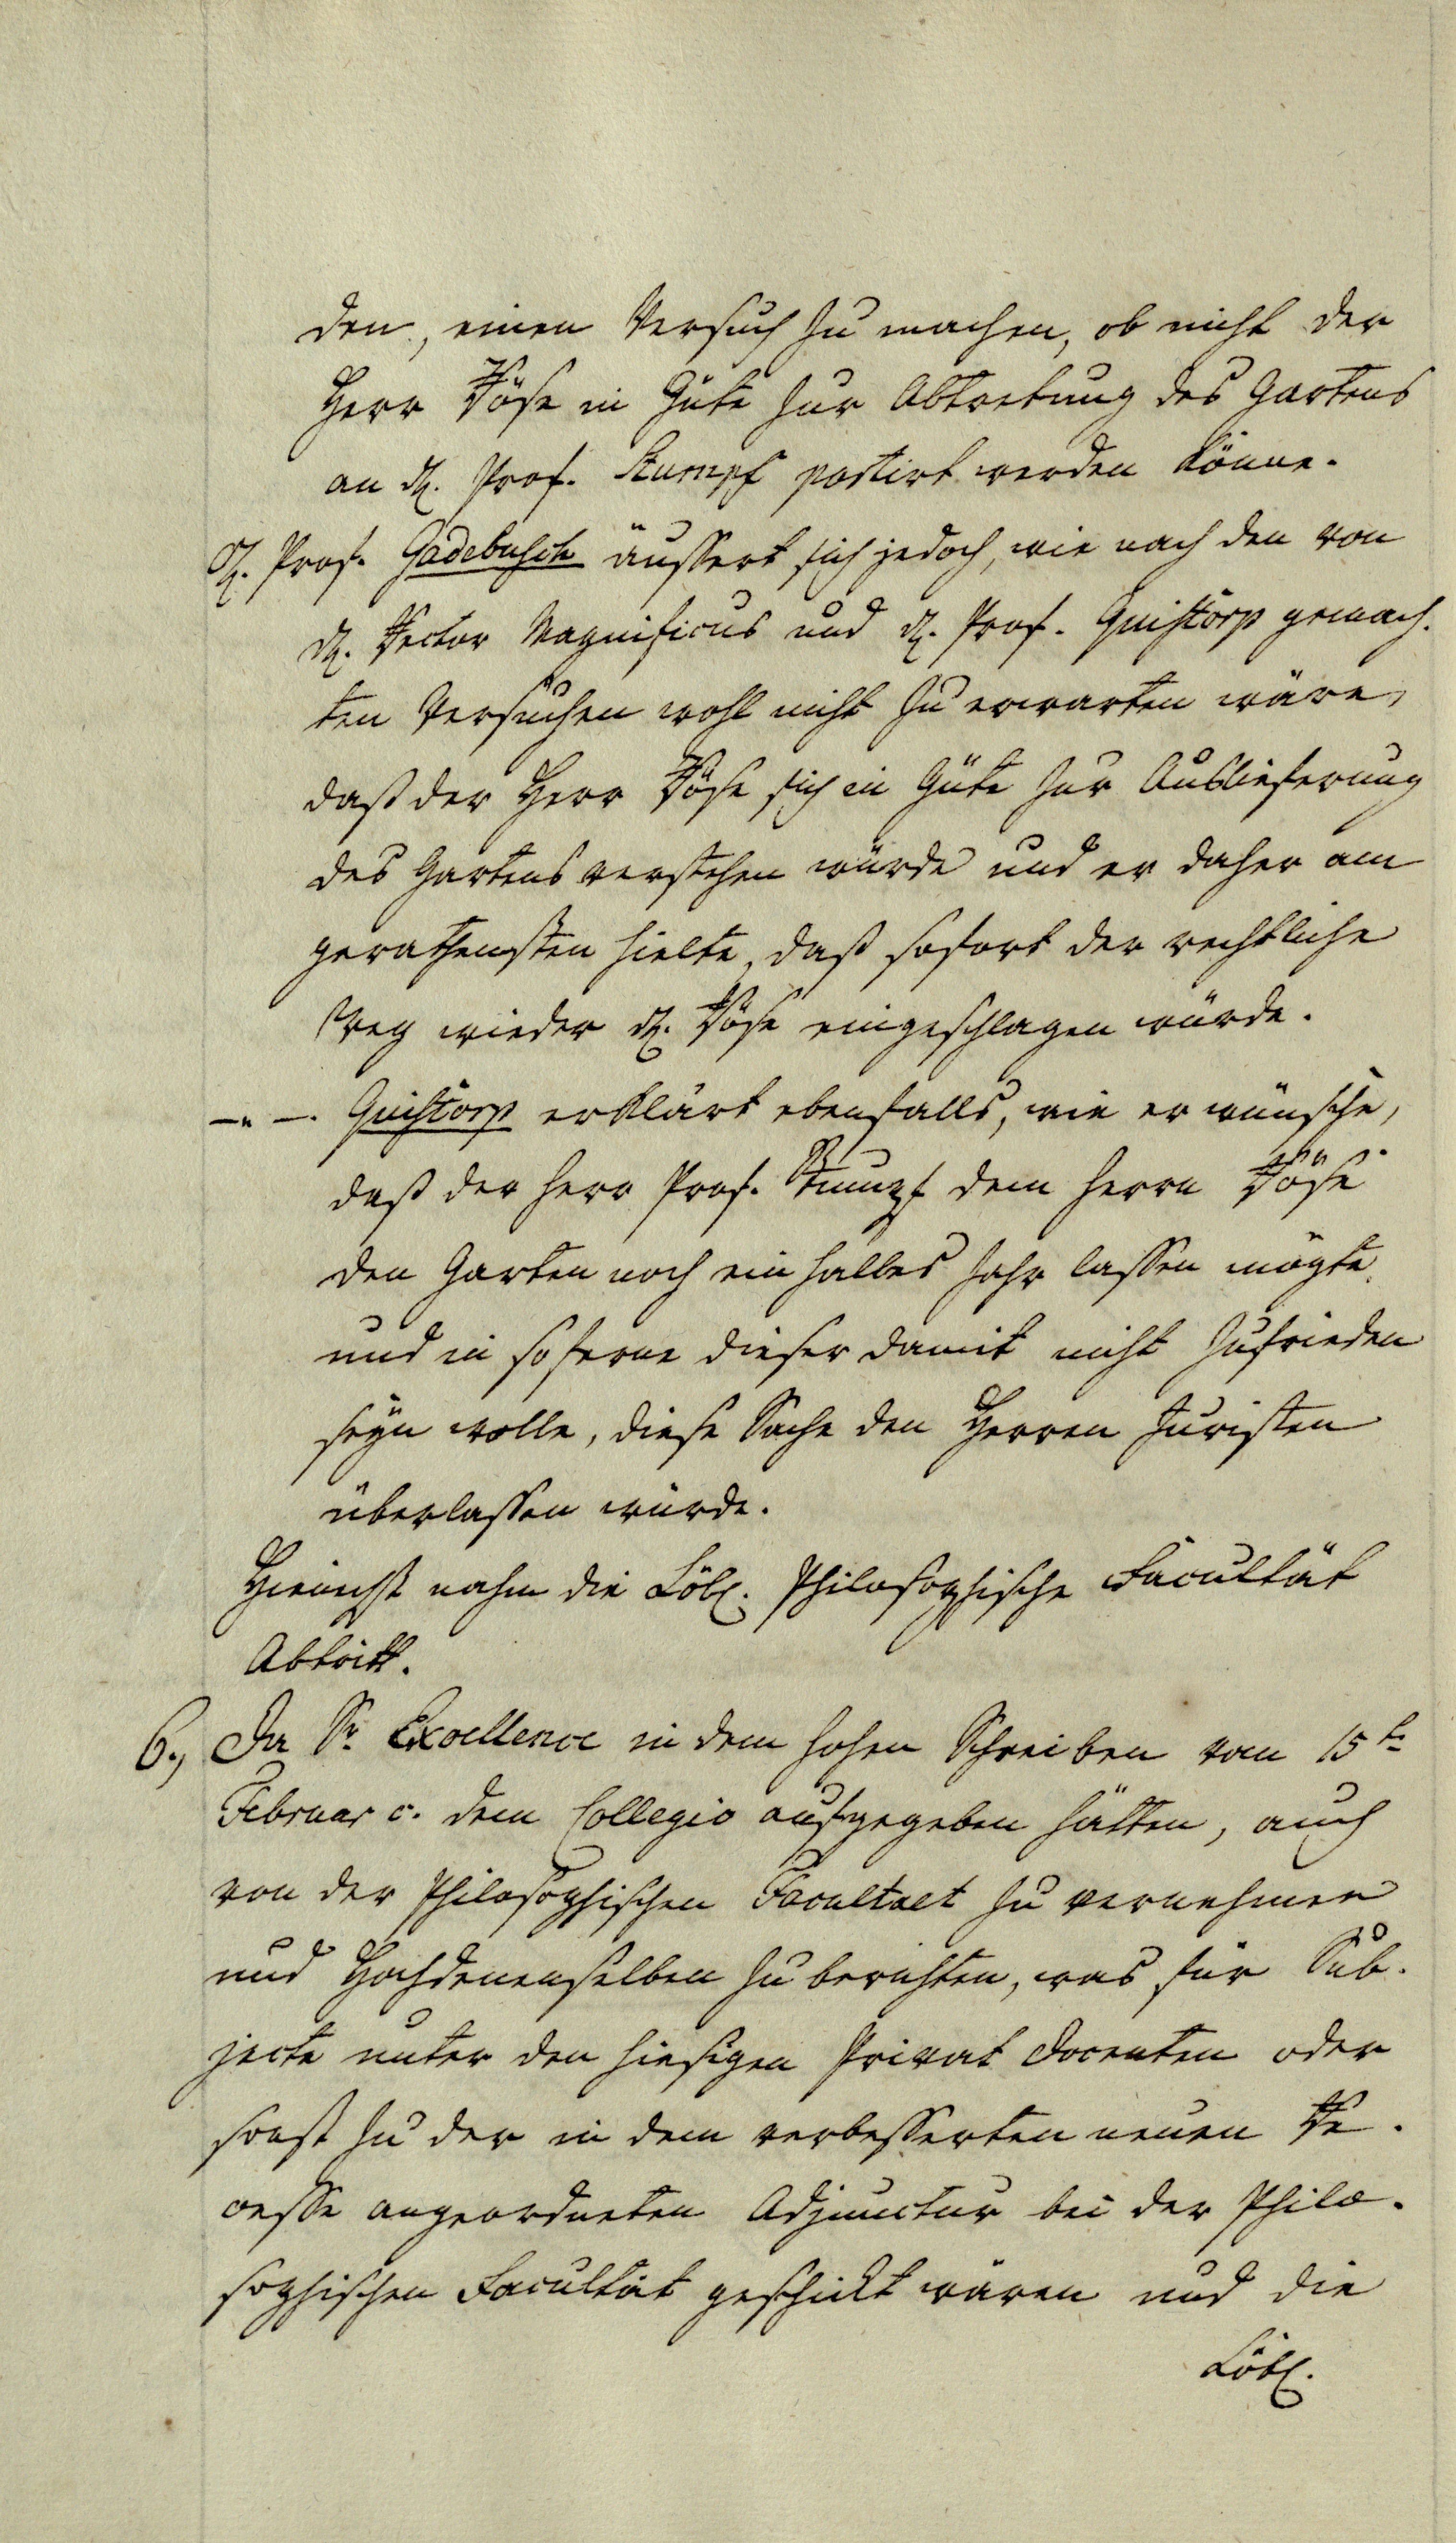den, einen Versuch zu machen, ob nicht der
Herr Röse in Güte zur Abtretung des Gartens
an dh. Prof. Stumpf portirt werden könne.
dh. Prof. Gadebusch äussert sich jedoch, wie nach den von
dh. Rector Maginificus und dh. Prof. Quistorp gemach¬
ten Versuchen wohl nicht zu erwarten wäre,
daß der Herr Röse sich in Güte zur Auslieferung
des Gartens verstehen würde und er daher am
gerathensten hielte, daß sofort der rechtliche
Weg wieder dh. Röse eingeschlagen würde.
Quistorp erklärt ebenfalls, wie er wünsche,
daß der Herr Prof. Stumpf dem Herrn Röse
den Garten noch ein halbes Jahr lassen mögte
und in so ferne dieser damit nicht zufrieden
seÿn wolle, diese Sache den Herren Juristen
überlassen würde.
Hienechst nahm die Löbl. Philosophische Facultät
Abtritt.
6., Da Sr Excellence in dem hohen Schreiben vom 15 te
Februar c. dem Collegio aufgegeben hätten, auch
von der Philosophischen Facultaet zu vernehmen
und Hochdenenselben zu berichten, was für Sub¬
jecte unter den hiesigen Privat Docenten oder
sonst zu der in dem verbesserten neuen Re¬
cesse angeordneten Adjunctur bei der Philo¬
sophischen Facultät geschickt wären und die
Löbl.